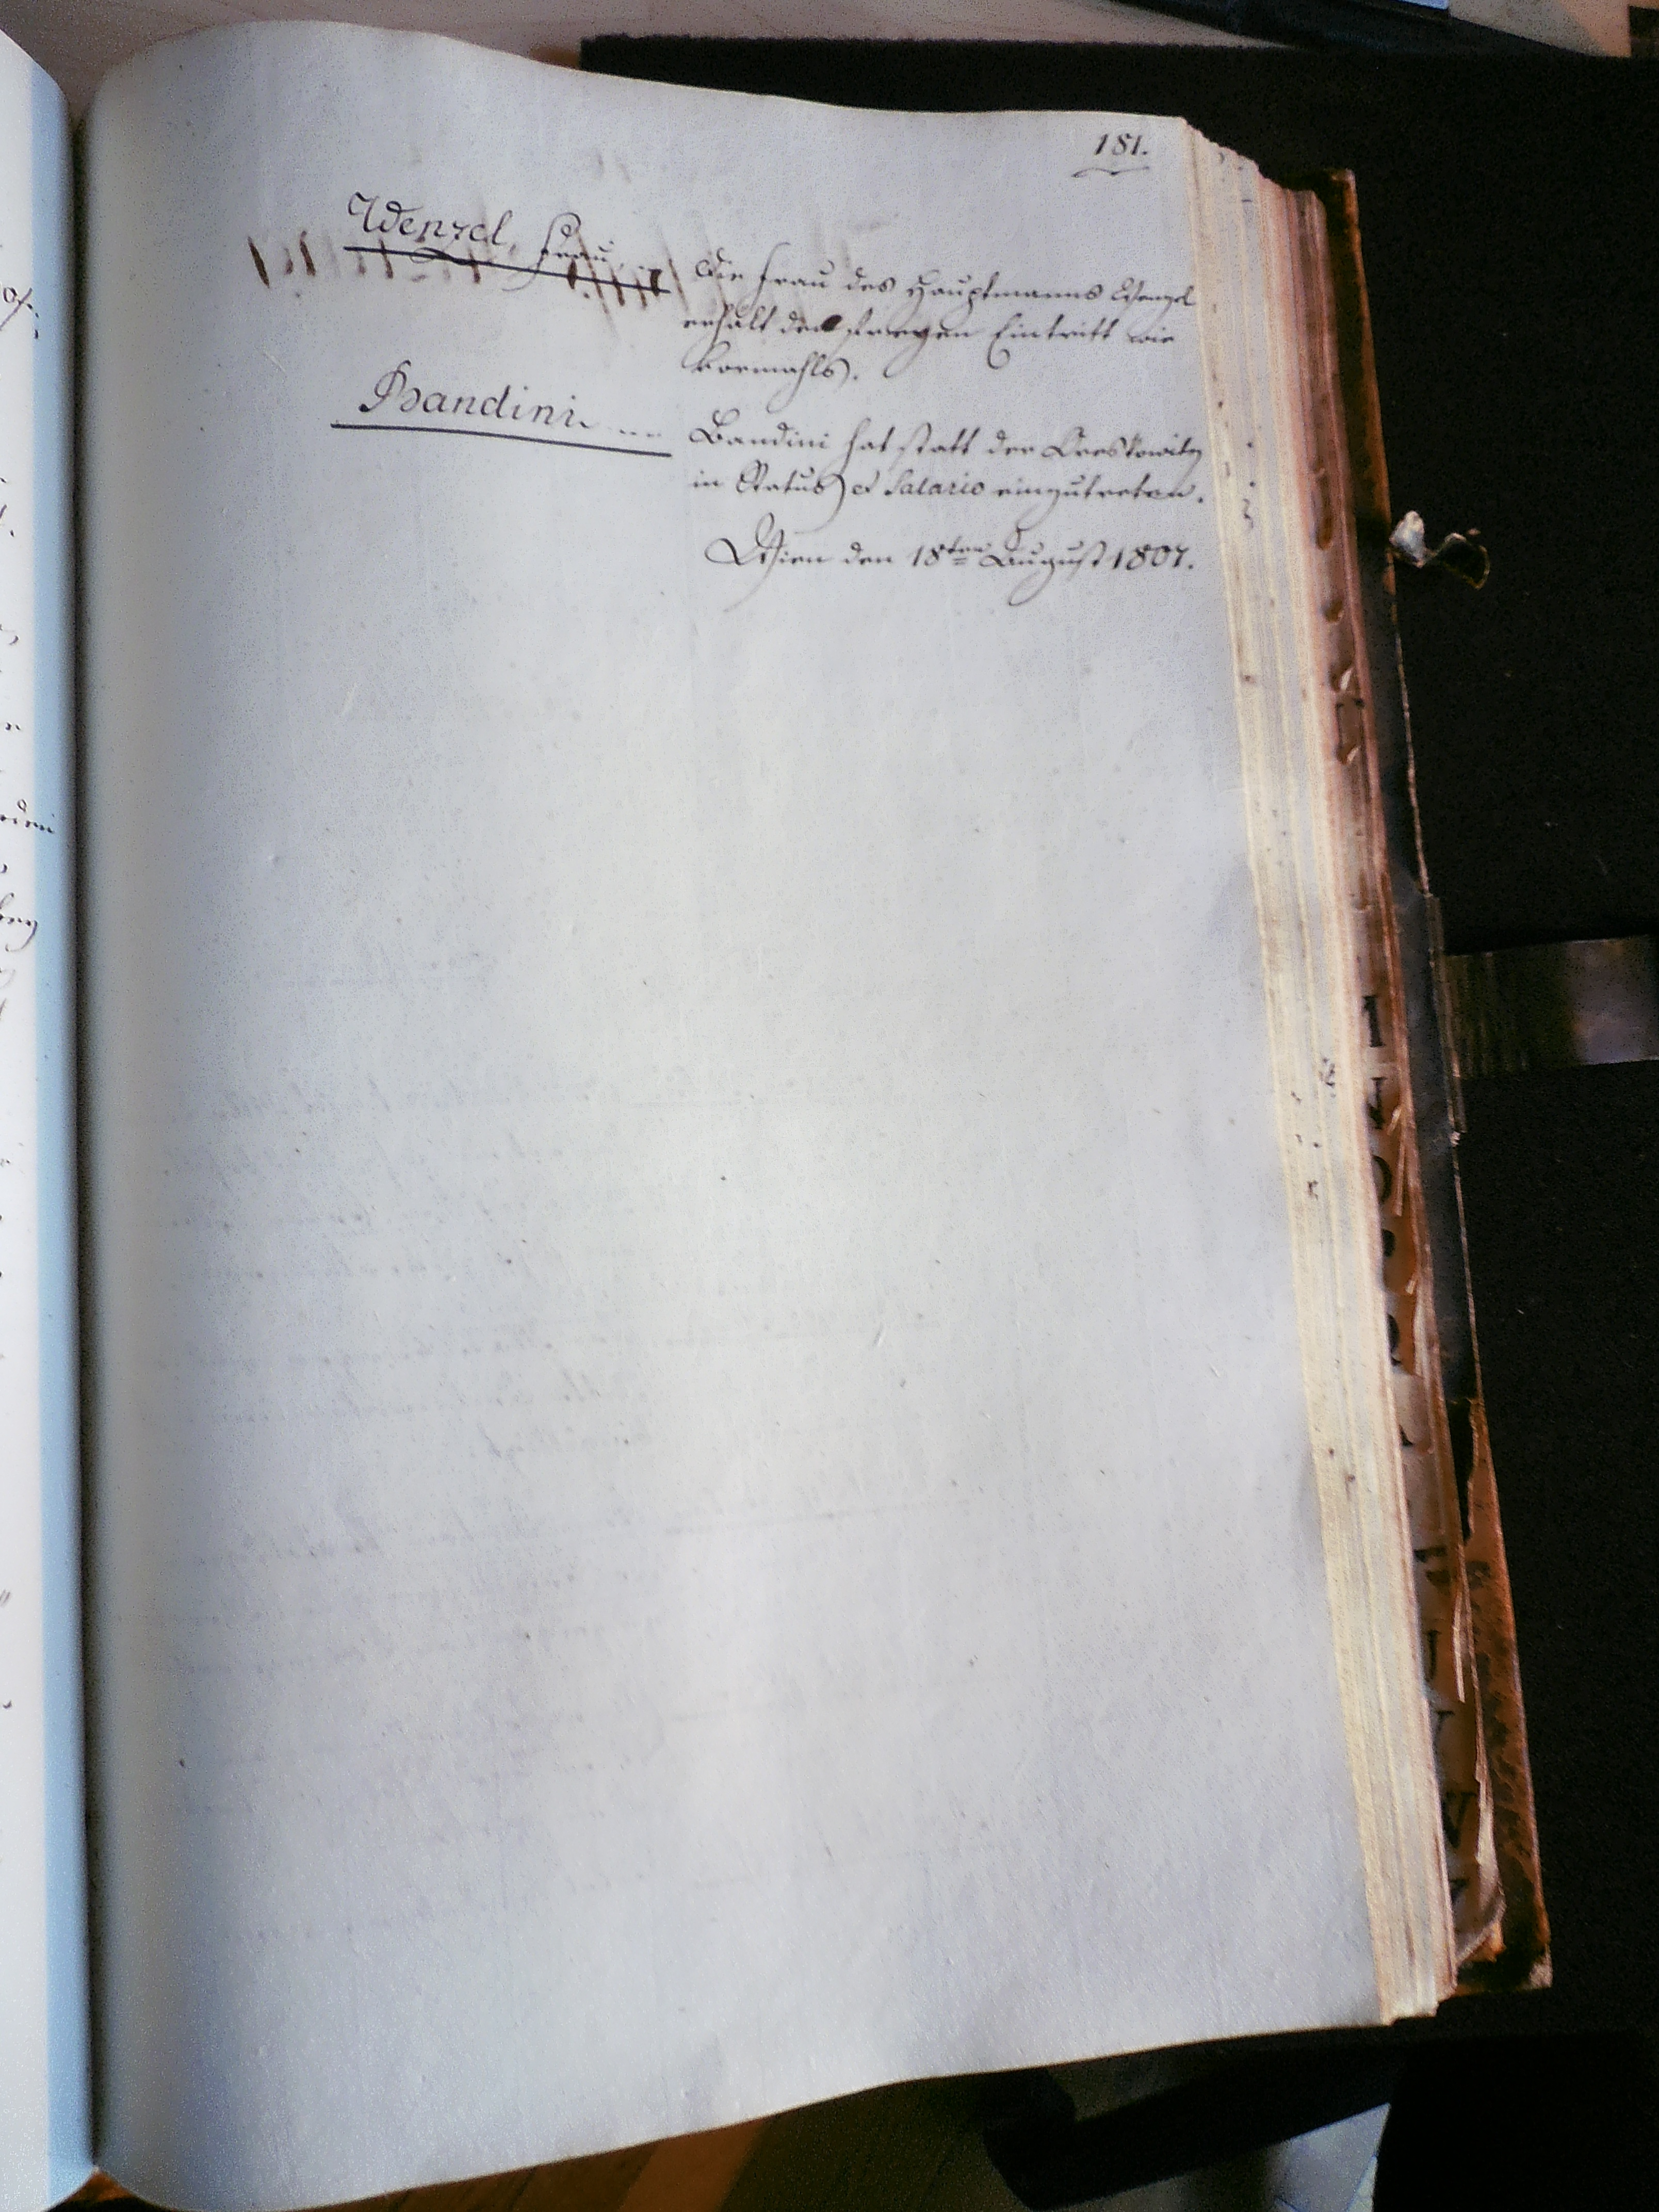181.
Wenzel, Frau, .. Die Frau des Hauptmanns Wenzel
erhält den freyen Eintritt wie
vormahls.
Bandini. .. .. Bandini hat statt der Oreskowitz
in Status et Salario einzutreten.
Wien den 18te͇n August 1807.